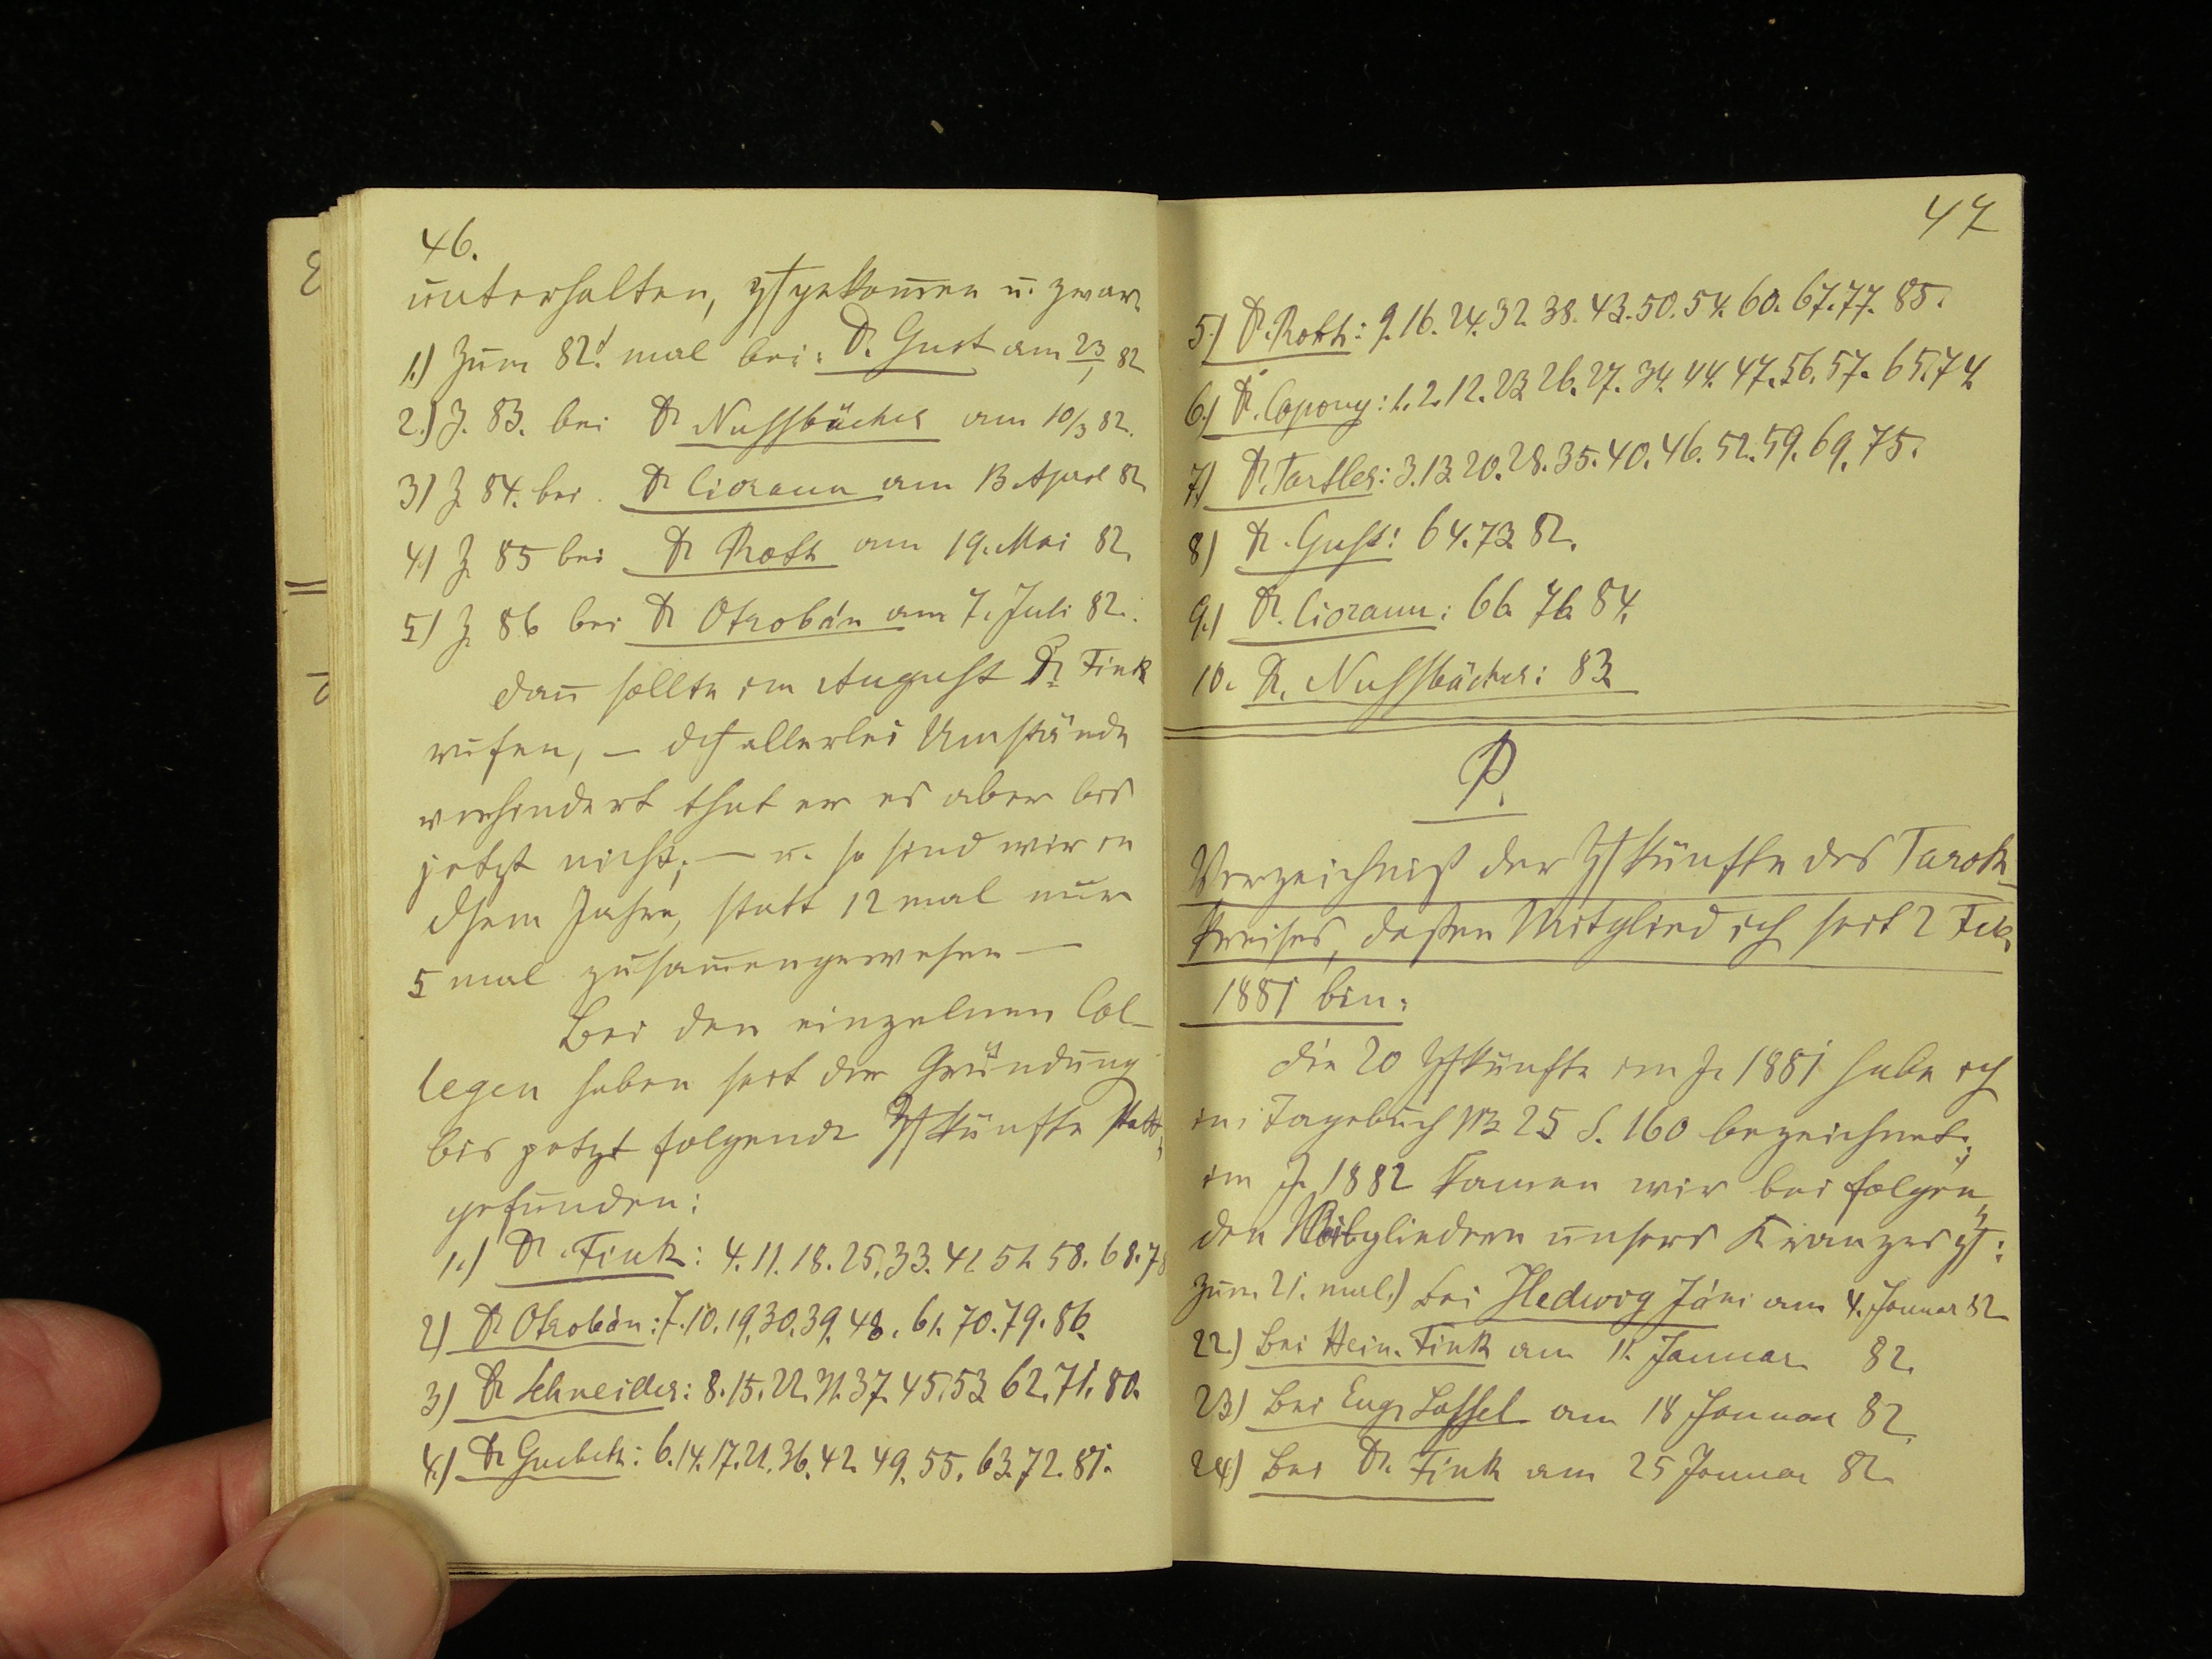46
..unterhalten, zusammengekommen und zwar:
1.) Zum 82. mal bei: Dr. Gust am 23/1 82
2.) * 83. bei Dr. Nussbächer am 10/3 82
3.) * 84. bei Dr. Cioranu am 13 April 82
4.) * 85. bei Dr. Roth am 19 Mai 82
5.) * 86. bei Dr. Otroban am 7 Juli 82
Dann sollte im August Dr. Fink
rufen.—durch allerlei Umstände
verhindert that er es aber bis
jetzt nicht;--und so sind wir in
diesem Jahr statt 12 mal nur
5 mal zusammengekommen.
Bei den einzelnen Col¬
legen haben seit der Gründung
bis jetzt folgende Zusammenkünfte statt¬
gefunden:
1.) Dr. Fink: 4.11.18.25.33.42.54.58.68.78
2.) Dr.Otroban: 7.10.19.30.39.48.61.70.79.86
3.) Dr. Schneiller: 8.15.22.31.37.45.53.62.71.80.
4.) Dr. Gusbeth: 6.14.17.21.36.42.49.55.63.72.81.
47
5.) Dr. Roth: 9.16.24.32.38.43.50.54.60.67.77.85.
6.) Dr. Copony: 1.2.12.23.26.27.34.44.47.56.57.65.74.
7.) Dr. Tartler: 3.13.20.28.35.40.46.52.59.69.75.
8.) Dr. Gust: 64.73.82.
9.) Dr.Ciorann: 66.76.84.
10.) Dr. Nussbächer: 83.
P.
Verzeichniß der Zusammenkünfte des Tarok¬
krieses, deßen Mitglied ich seit 2. Febr.
1881 bin:
Die 20 Zusammenkünfte im Jahre 1881 habe ich
im Tagebuch Nr. 25 S. 160 bezeichnet.
Im Jahre 1882 kamen wir bei folgen¬
den Mitgliedern unseres Kranzes zusammen:
Zum 21.) mal bei Hedwig Jani am 4.Januar 82
22.) bei Heinr. Fink 11. Januar 82
23.) bei Eugen Lassel 18. Januar 82
24.) bei Dr. Fink 25. Januar 82